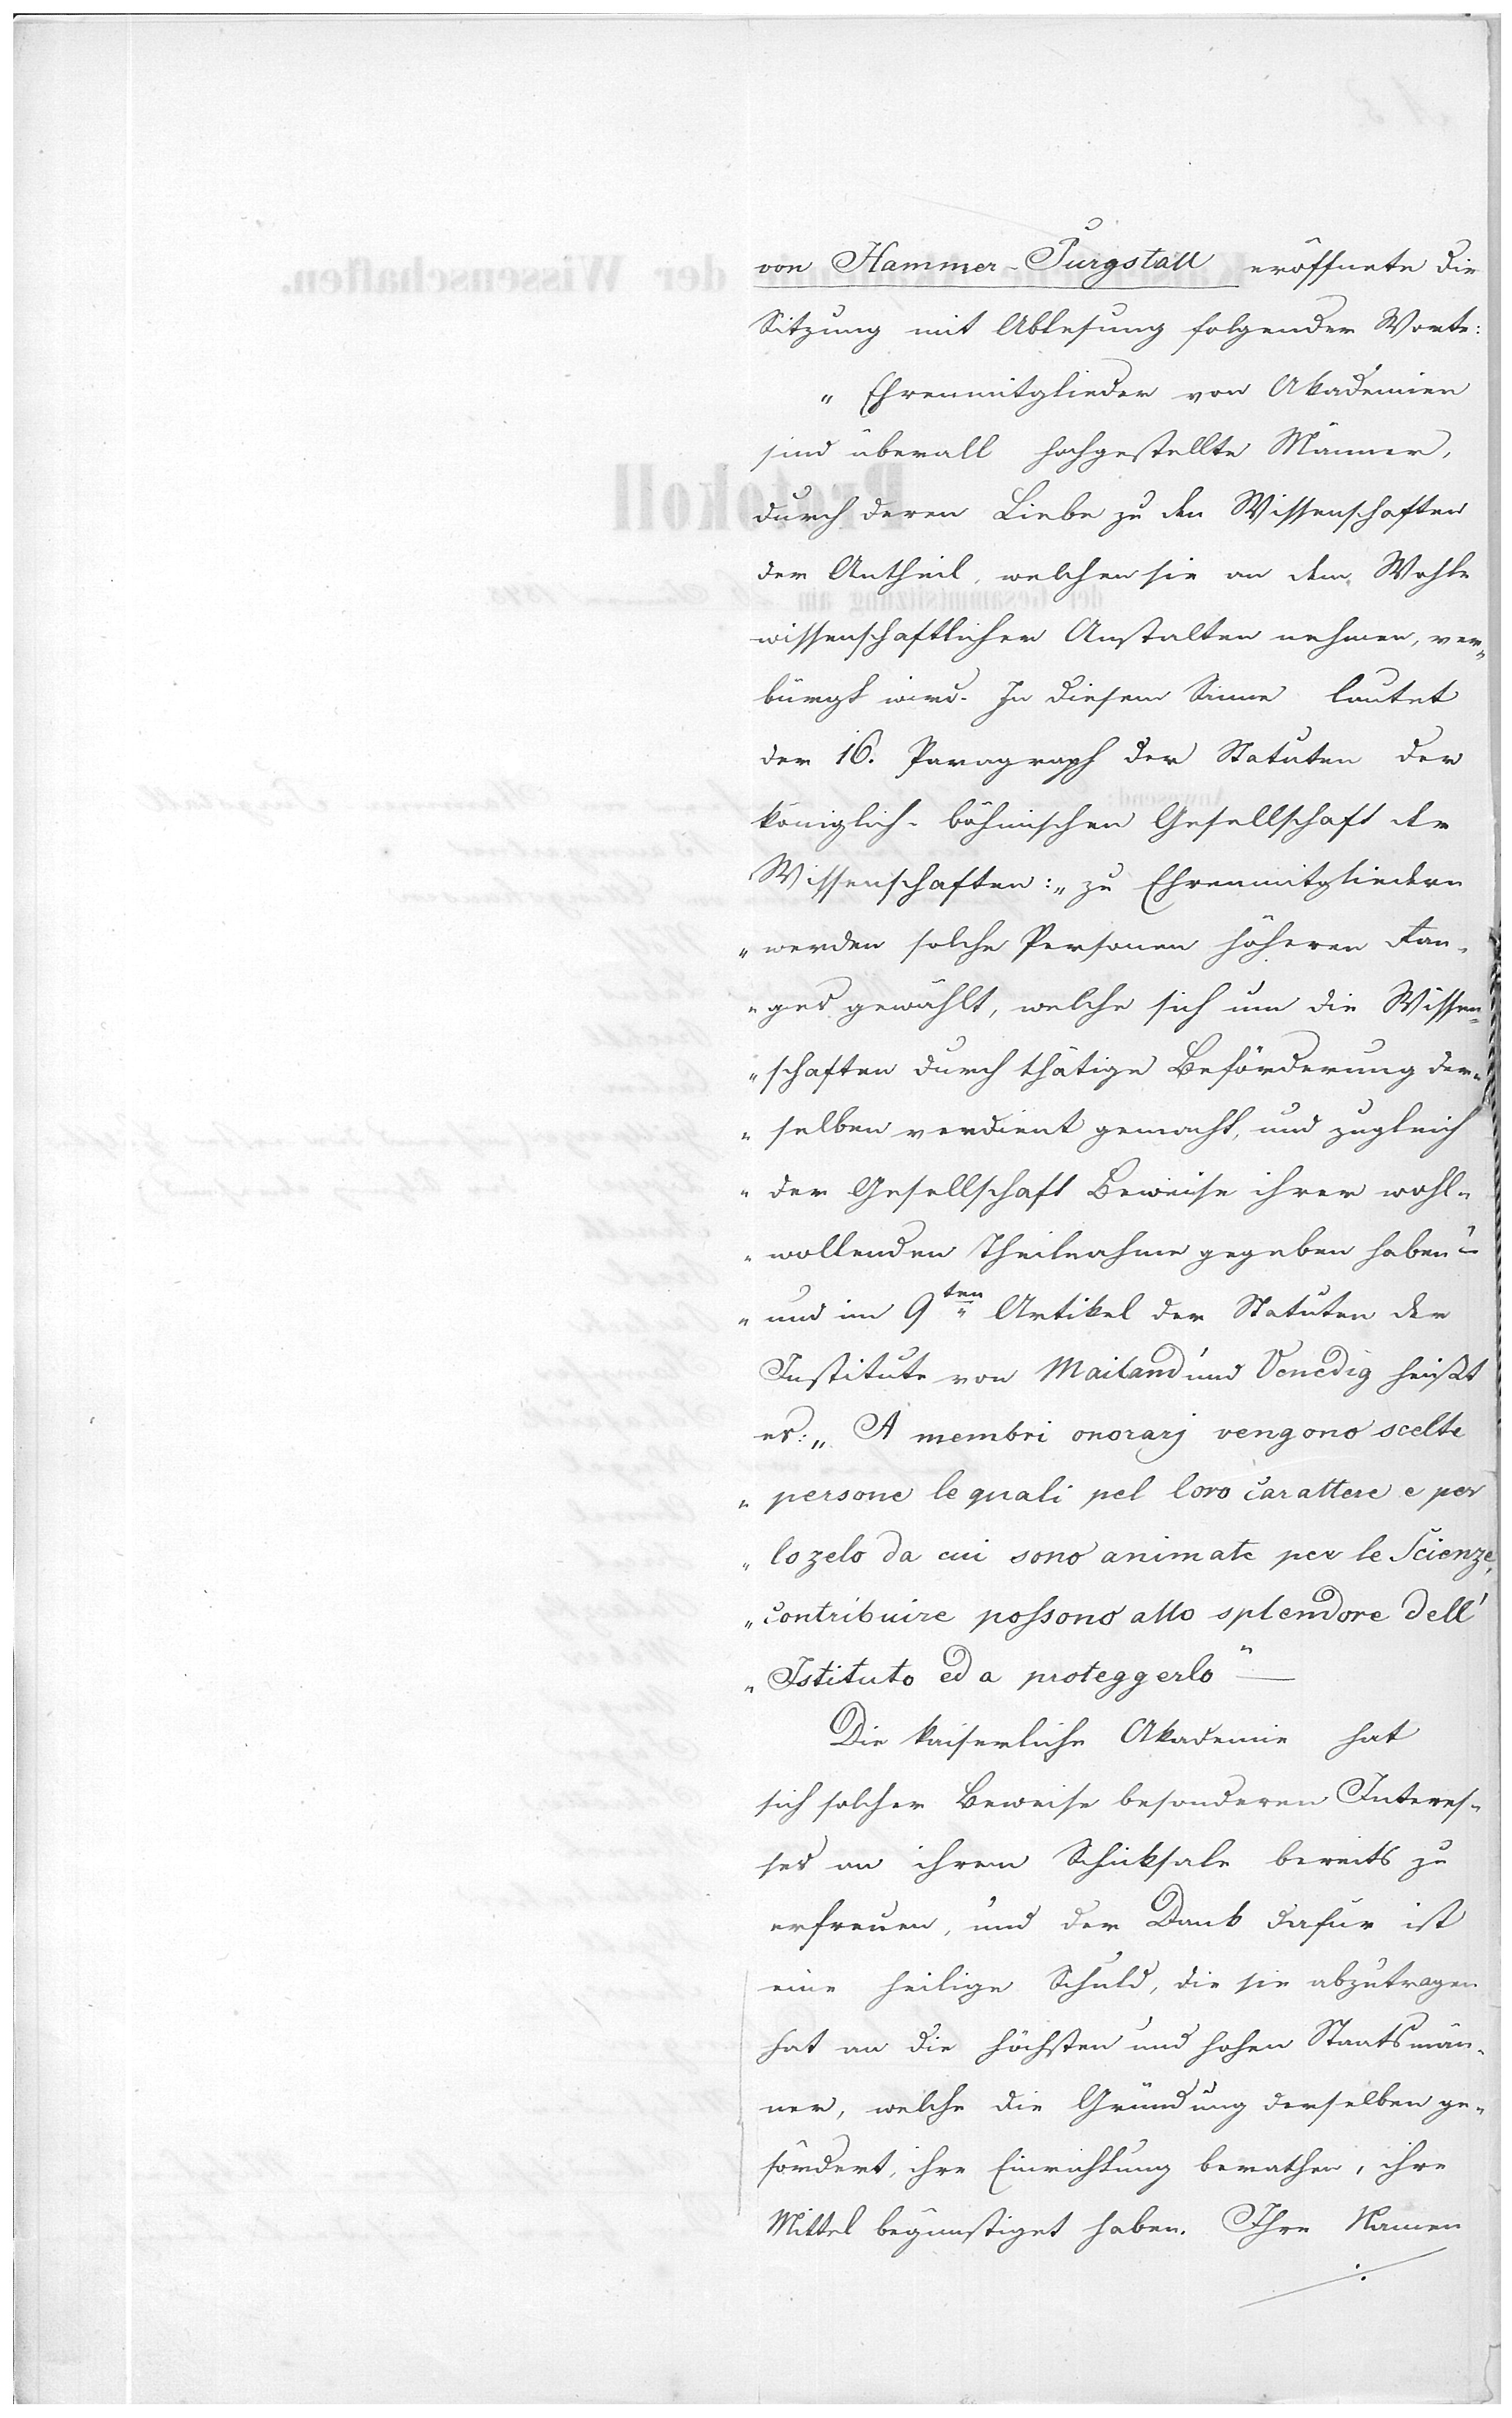von Hammer-Purgstall eröffnete die
Sitzung mit Ablesung folgender Worte:
"Ehrenmitglieder von Akademien
sind überall hochgestellte Männer,
durch deren Liebe zu den Wissenschaften
der Antheil, welchen sie an dem Wohle
wissenschaftlicher Anstalten nehmen, ver-
bürgt wird. In diesem Sinne lautet
der 16. Paragraph der Statuten der
königlich-böhmischen Gesellschaft der
Wissenschaften: "zu Ehrenmitgliedern
"werden solche Personen höhren Rang-
"ges gewählt, welche sich um die Wissen-
"schaften durch thätige Beförderung der-
"selben verdient gemacht, und zugleich
"der Gesellschaft Beweise ihrer wohl-
wollenden Theilnahme gegeben haben."
"und im 9ten Artikel der Statuen der
Institute von Mailand und Venedig heißt
es: "A membri onorarj vengono scelte
"persone le quali pel loro carattere e per-
"lozelo da cui sono animate per le Scienza,
"contribuire possono allo splendore dell'
"Istituto ed a proteggerlo"
Die kaiserliche Akademie hat
sich solcher Beweise besonderen Interes-
ses an ihrem Schicksale bereits zu
erfreuen, und der Dank dafür ist
eine heilige Schul, die sie abzutragen
hat an die höchsten und hohen Staatsmän-
ner, welche die Gründung derselben ge-
fördert, ihre Einrichtung berathen, ihre
Mittel begünstiget haben. Ihre Namen